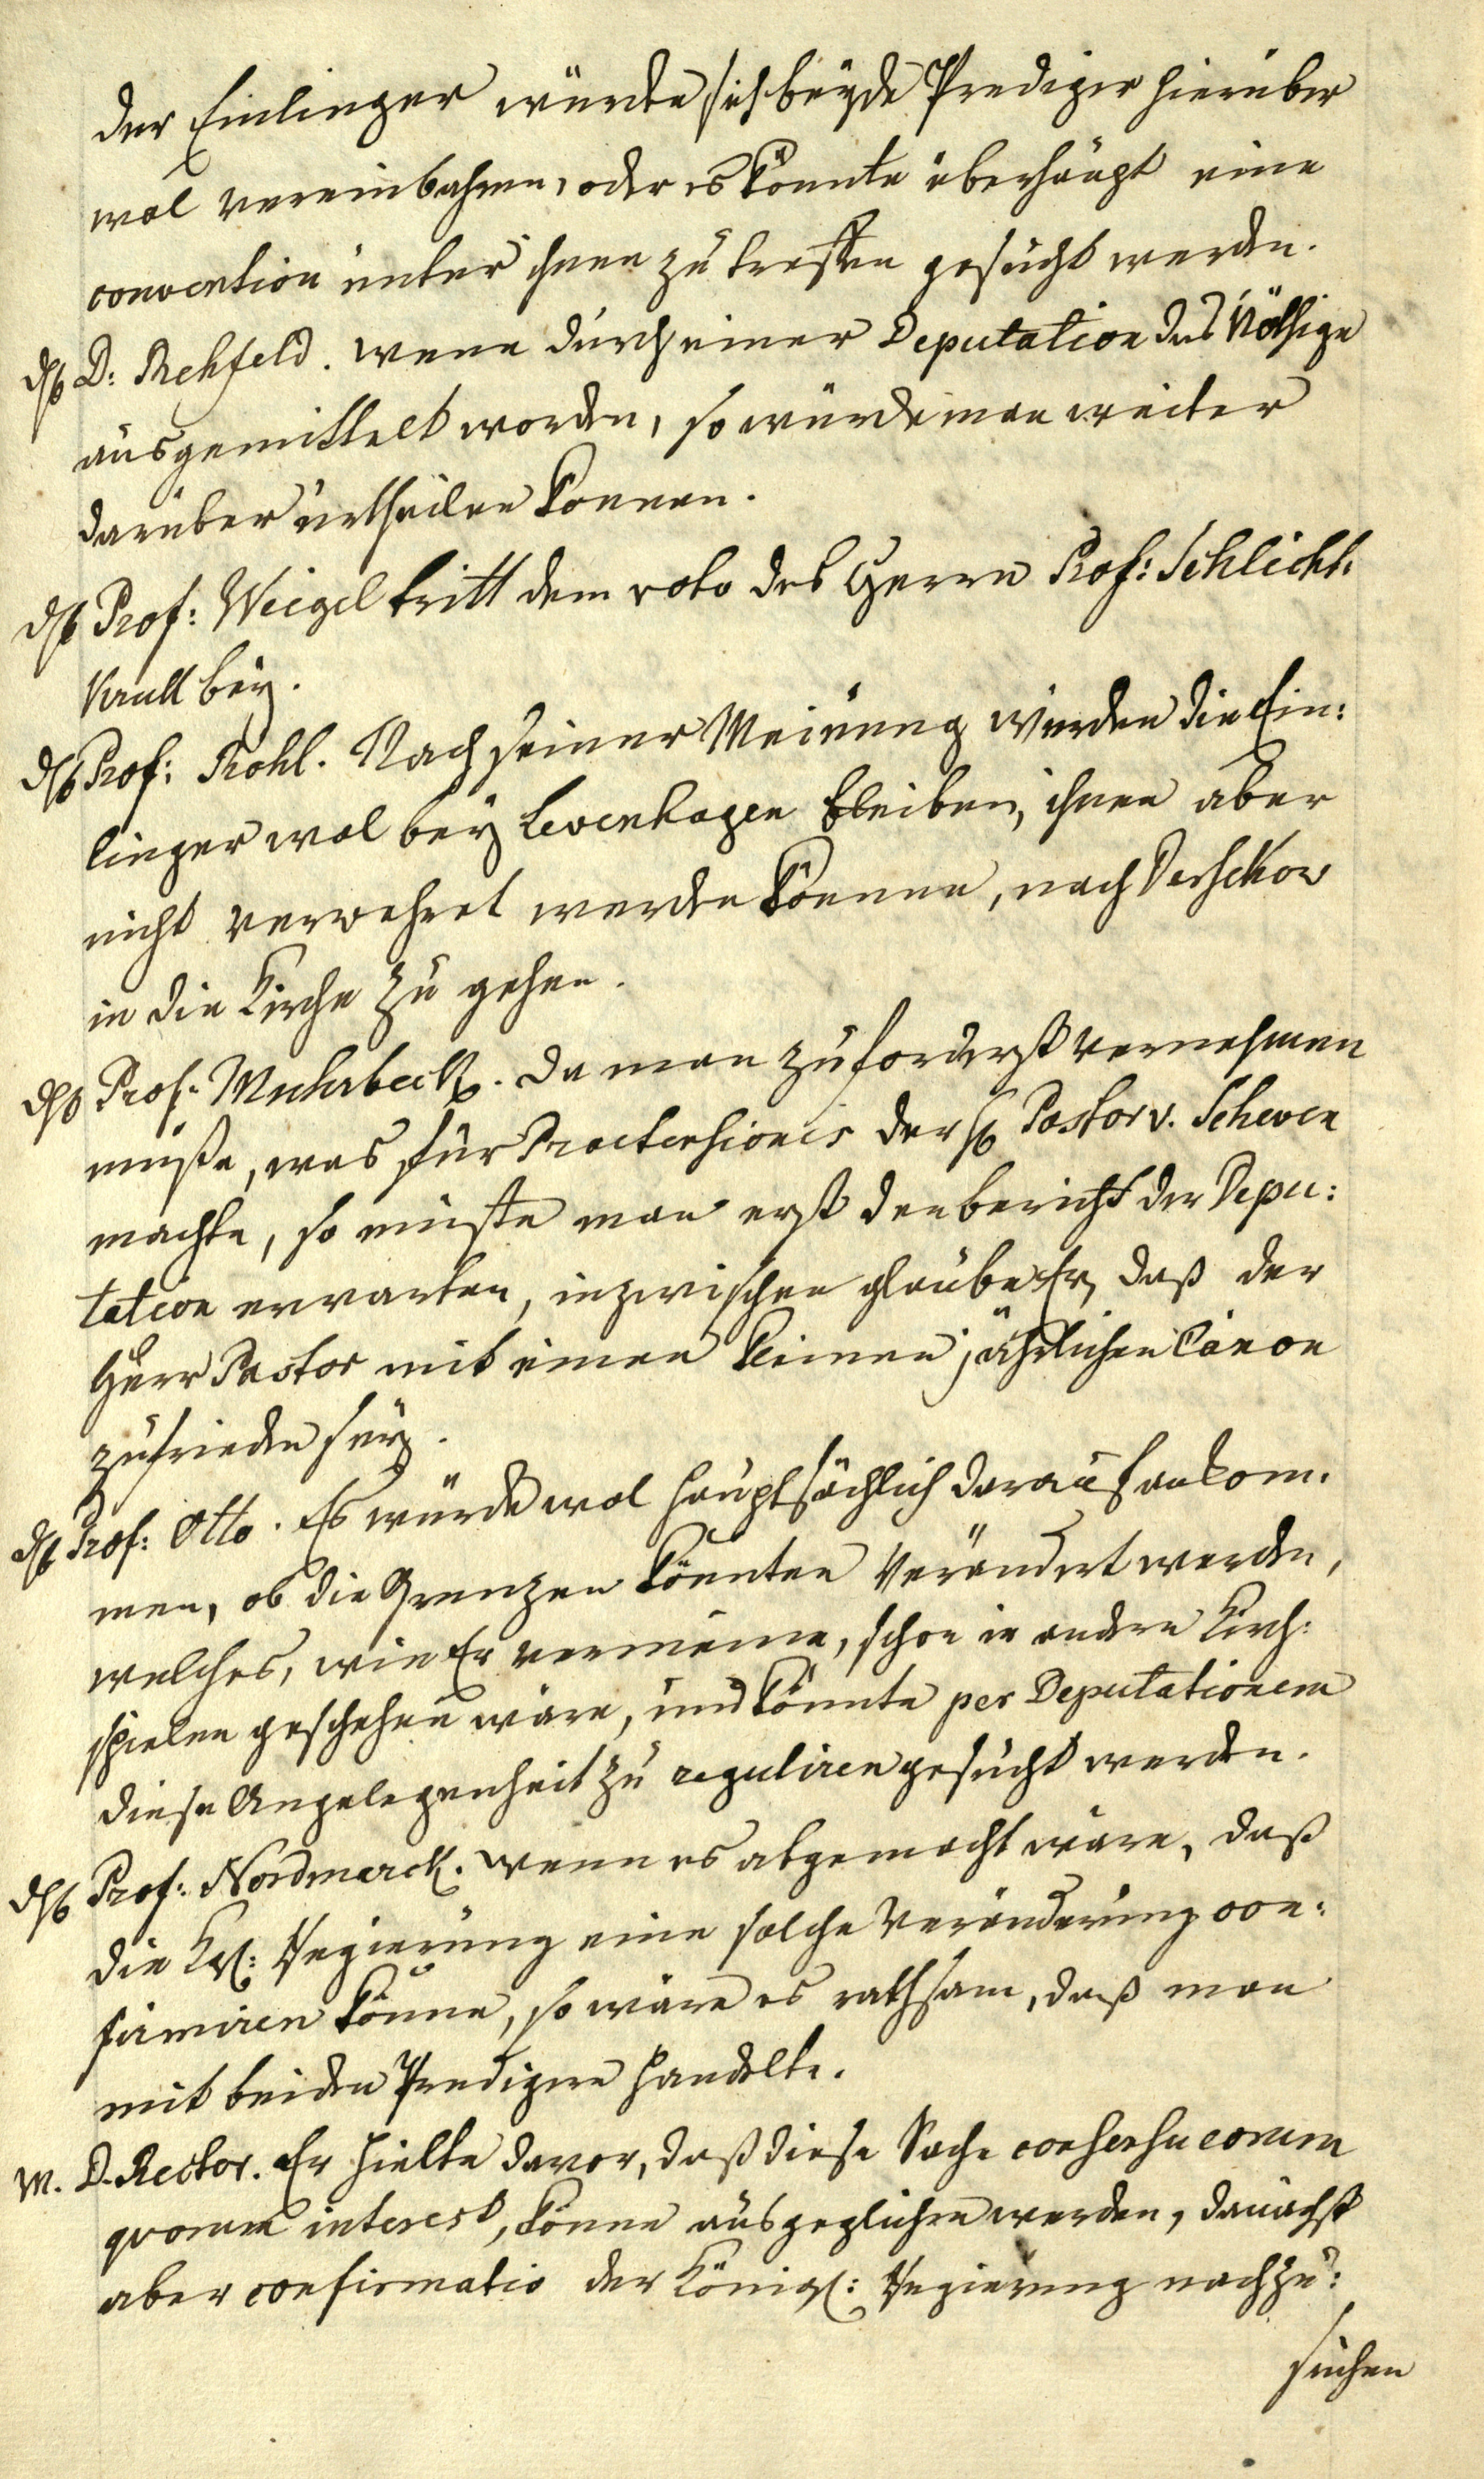der Einlieger würden sich beÿde Prediger hierüber
wol vereinbahren, oder es könnte überhaupt eine
convention unter ihnen zu treffen gesucht werden.
dh. D. Rehfeld. wenn durch einer Deputation das Nöthige
ausgemittelt worden, so würde man weiter
darüber urtheilen können.
dh Prof. Weigel tritt dem voto des Herrn Prof Schlicht¬
krull beÿ.
dh Prof. Röhl. Nach seiner Meinung würden die Ein¬
lieger wol beÿ Levenhagen bleiben, ihnen aber
nicht verwehret werden können, nach Dersekow
in die Kirche zu gehen.
dh Prof. Muhrbeck. Da man zuforderst vernehmen
müße, was für Praetensionis der h. Pastor v. Scheven
machte, so müste man erst den Bericht der Depu¬
tation erwarten, inzwischen glaube Er, daß der
Herr Pastor mit einen kleinen jährlichen Canon
zufrieden seÿ.
dh Prof. Otto. Es würde wol hauptsächlich darauf ankom¬
men, ob die Grenzen könnten verändert werden,
welches, wie Er vermeine, schon in andern Kirch¬
spielen geschehen wäre, und könnte per Deputationem
diese Angelegenheit zu reguliren gesucht werden.
dh Prof. Nordmarck. Wenn es abgemacht wäre, daß
die Kgl. Regierung eine solche Veränderung con¬
firmiren könne, so wäre es rathsam, daß man
mit beiden Predigern handelte.
M. D. Rector. Er hielte davor, daß diese Sache consessueorum
quorum interest, könne ausgeglichen werden, danächst
aber confirmatio der Königl. Regierung nach zu¬
suchen